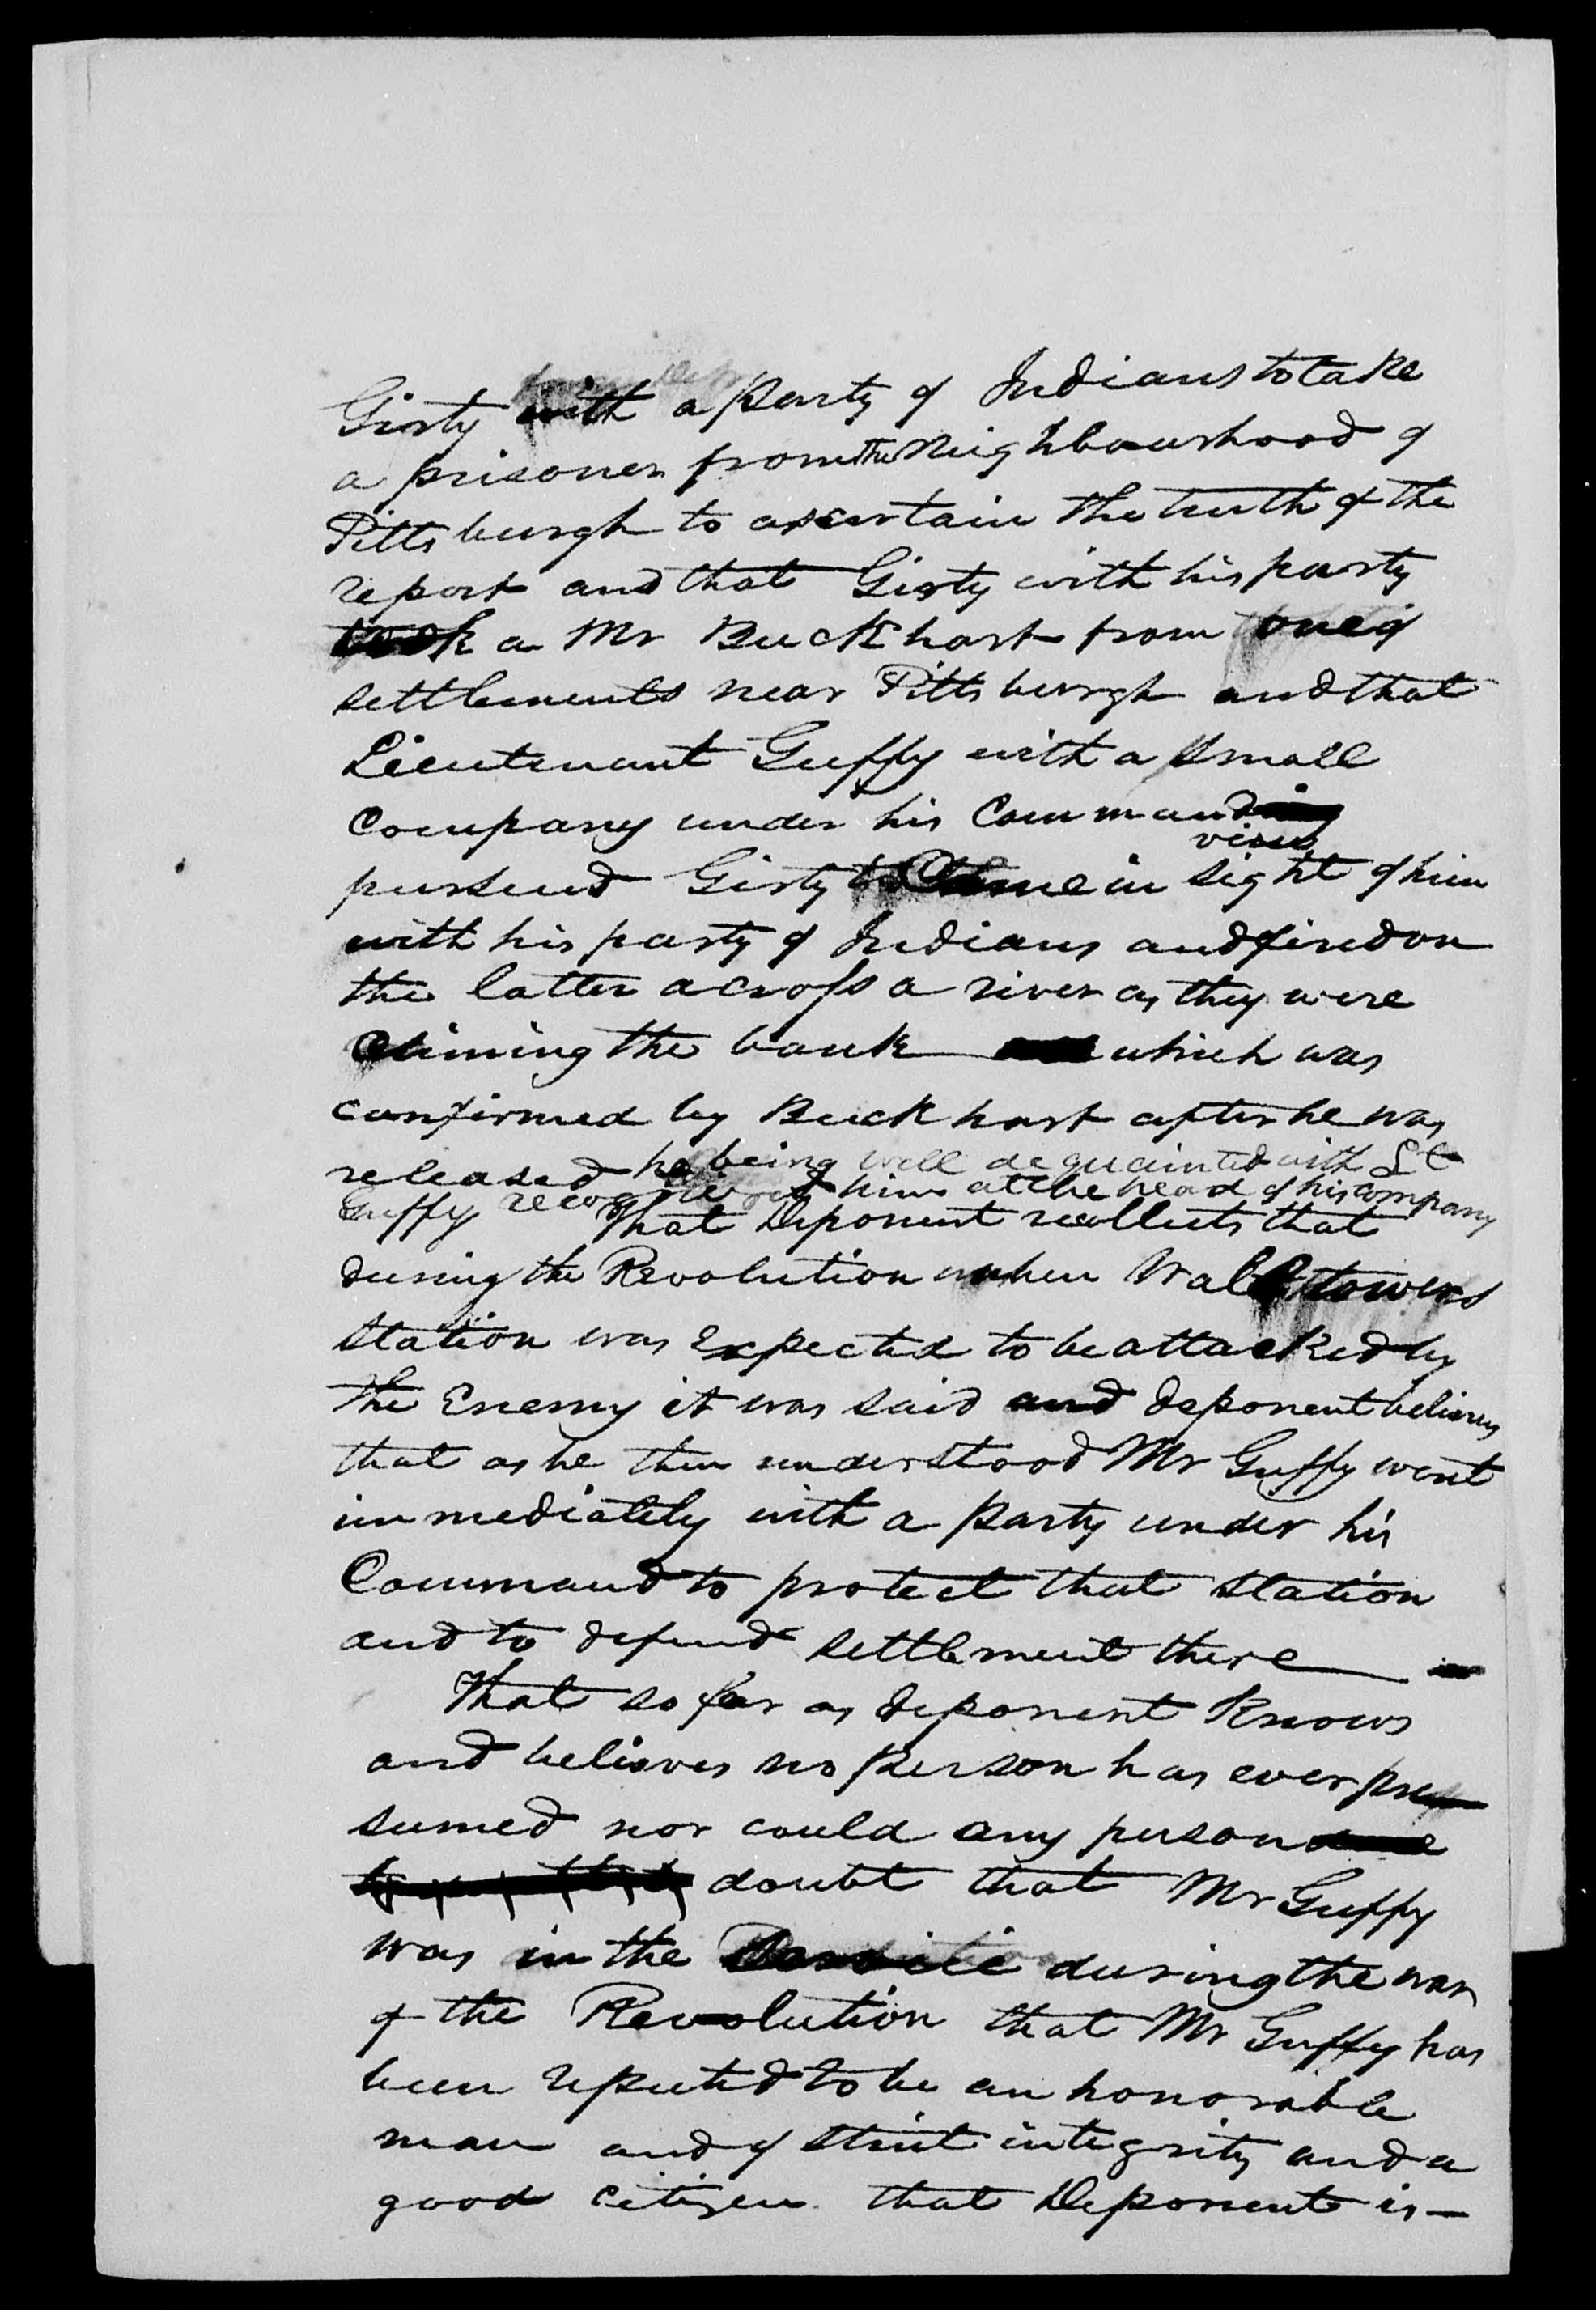Girty with a party of Indians to take
a prisoner from the neighbourhood of
Pittsburgh to ascertain the truth of the
report and that Girty with his party
took a Mr Buckhart from one of 
settlements near Pittsburgh and that
Lieutenant Guffy with a small
company under his command
pursued Girty to [illegible] in sight [illegible word above sight] of him
with his party of Indians and fired on
the latter across a river as they were
climing [sic] the bank which was
confirmed by Buckhart after he was
released he being well acquainted with Lt
Guffy recognized him at the head of his company
That Deponent recollects that during the Revolution when Walltower Station was expected to be attacked by the enemy it was said and deponent believes that as he then understood Mr Guffy went immediately with a party under his command to protect that station and to defend settlement there
That so far as deponent knows
and believes no person has ever presumed nor could any person doubt that Mr Guffy
was in the service during the war
of the Revolution that Mr Guffy has
been reputed to be an honorable
man and of strict integrity and a
good citizen. that deponent is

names: Buckhart, Girty, Guffy, Buckhart, Guffy, Guffy, L C Guffy, Guffy, Girty, Girty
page: 23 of 36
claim: survivor's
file: S. 31,718, James Guffey, Penn.